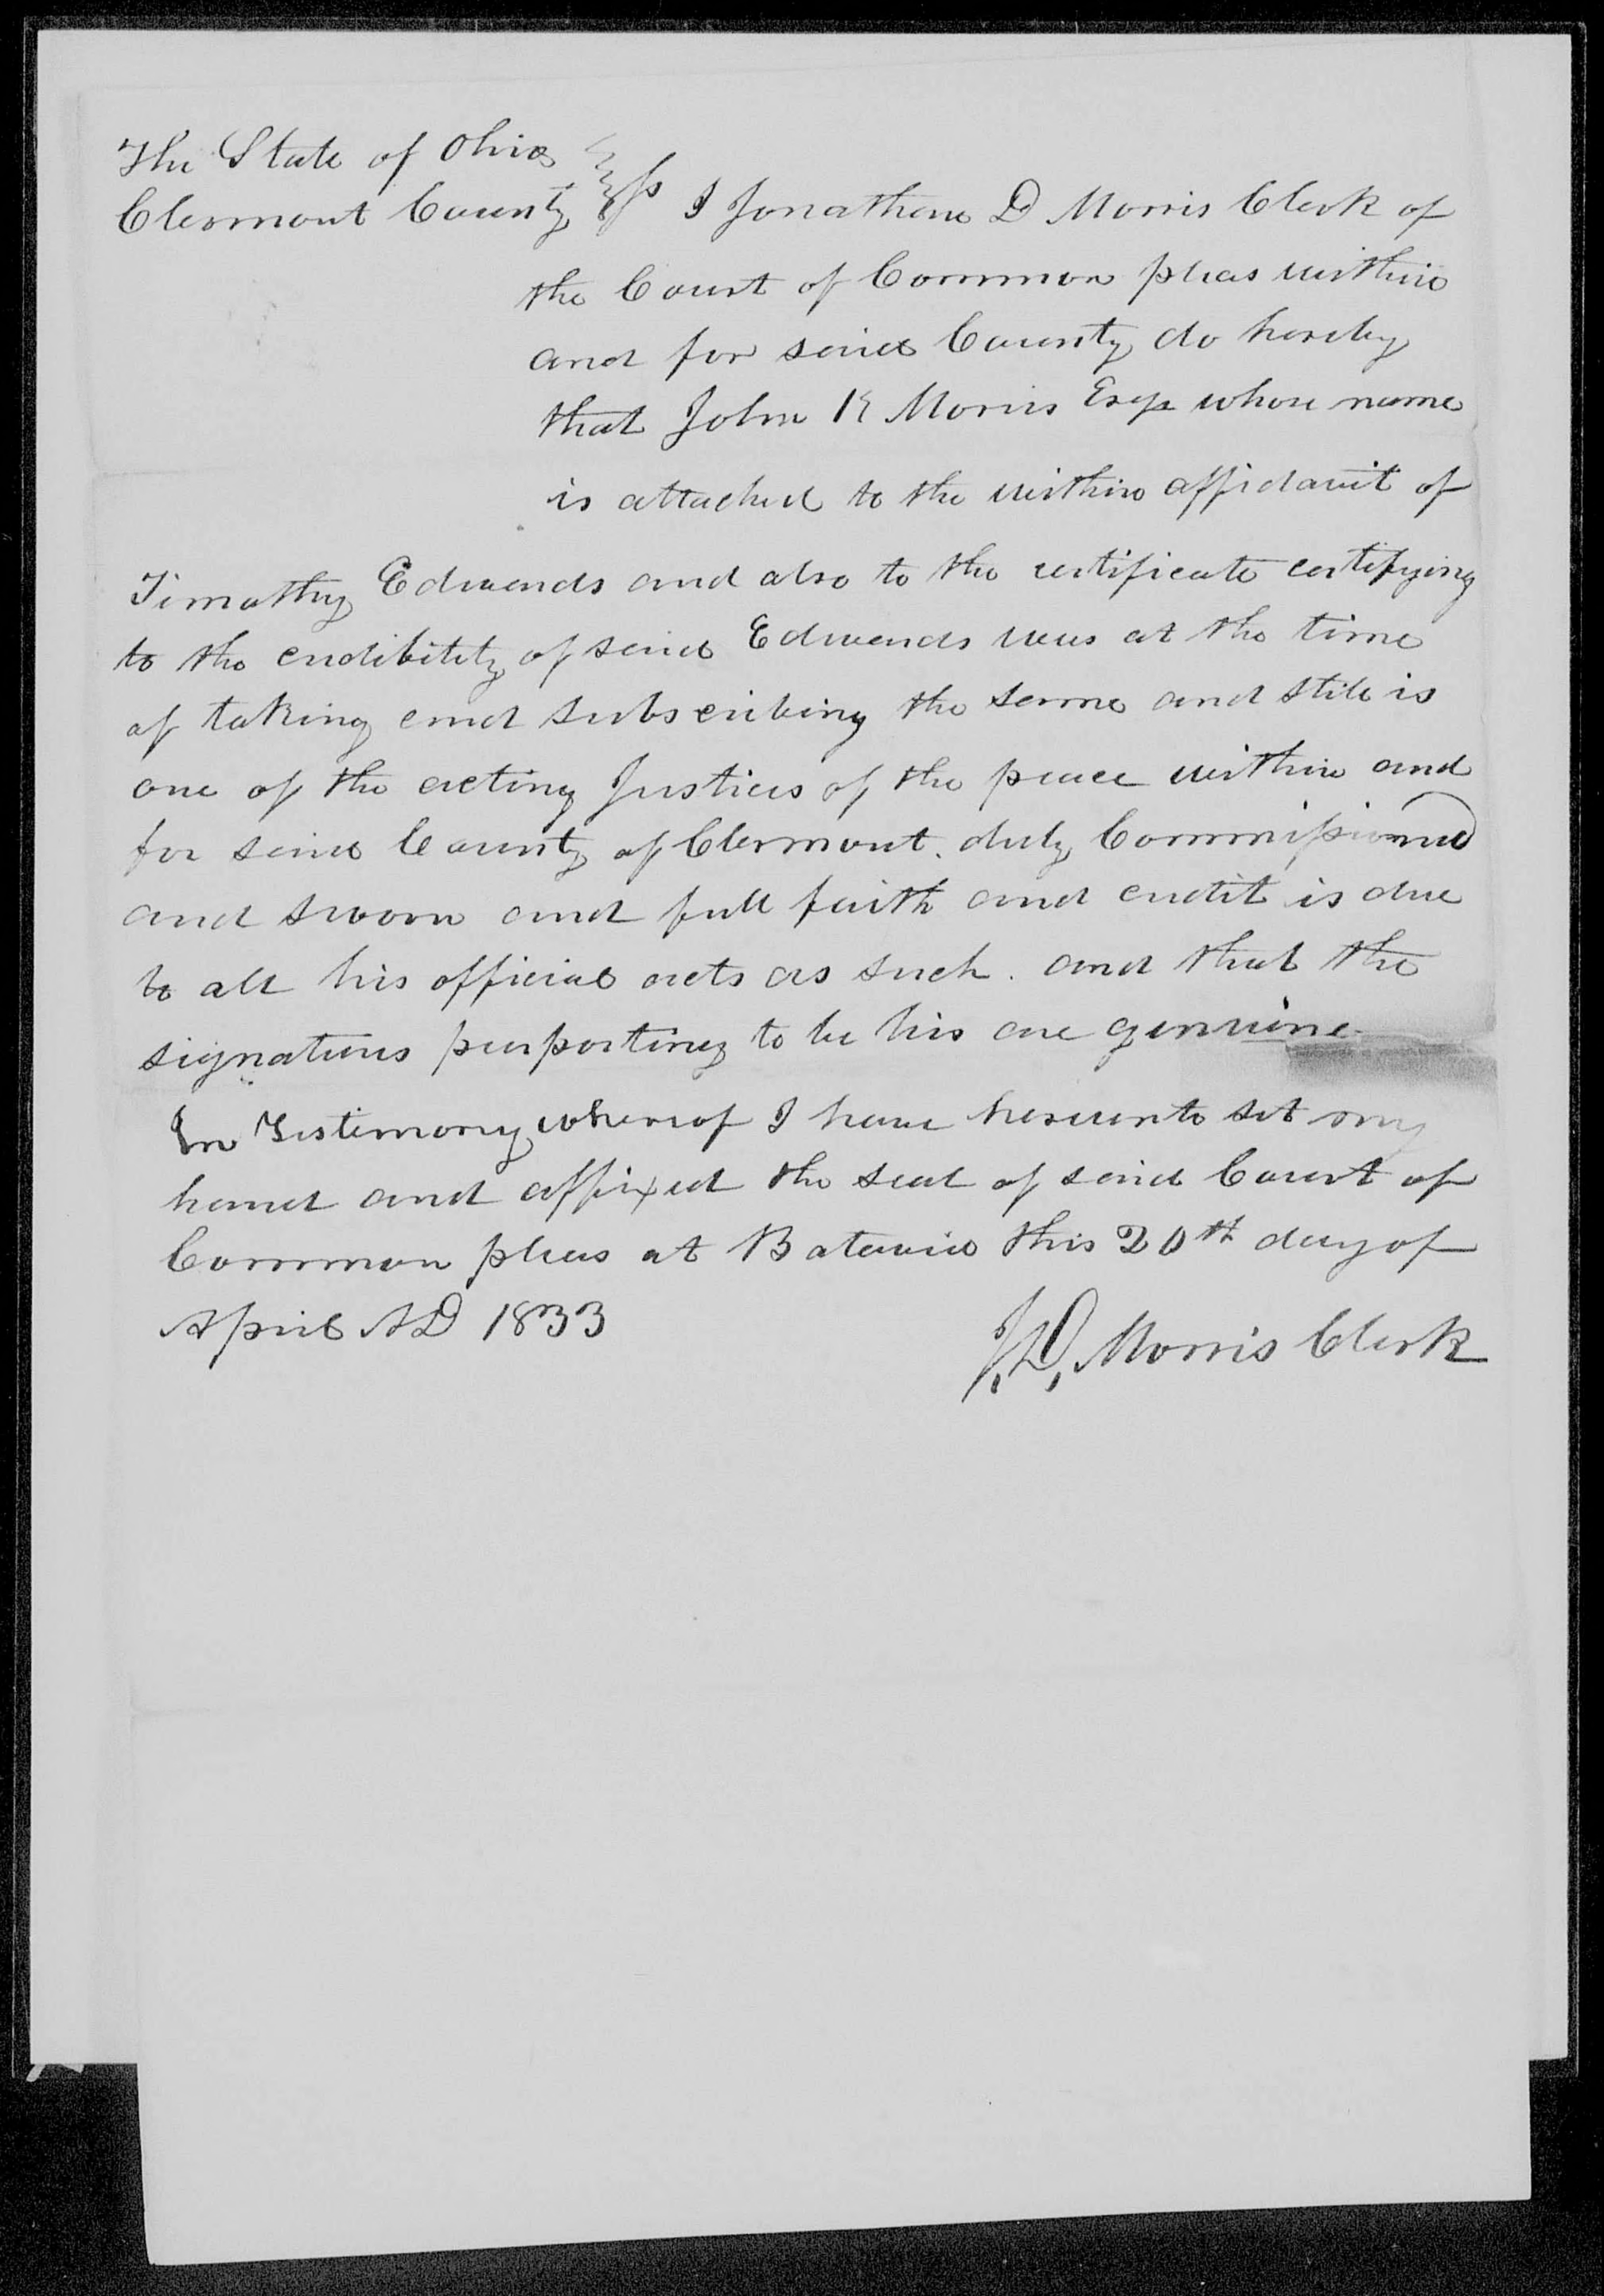The State of Ohio}
Clermont County} ss
I Jonathan D Morris Clerk of the Court of Common pleas within and for said County do hereby that John K. Morris Esqr whose name is attached to the within affidavit of Timothy Edwards and also to the certificate certifying to the credibility of said Edwards was at the time of taking and subscribing the same and still is one of the acting Justices of the peace within and for said County of Clermont. duly Commissioned and sworn and full faith and credit is due to all his official acts as such, and that the signatures purporting to be his are genuine 
In Testimony whereof I have hereunto set my hand and affixed the seal of said Court of Common Pleas at Batavia this 20th day of April AD 1833 . 
J.D. Morris Clerk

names: Jonathan D Morris, Timothy Edwards, Edwards, John K Morris, J D Morris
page: 24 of 24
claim: survivor's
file: S. 17751, Timothy Ward, New Jersey